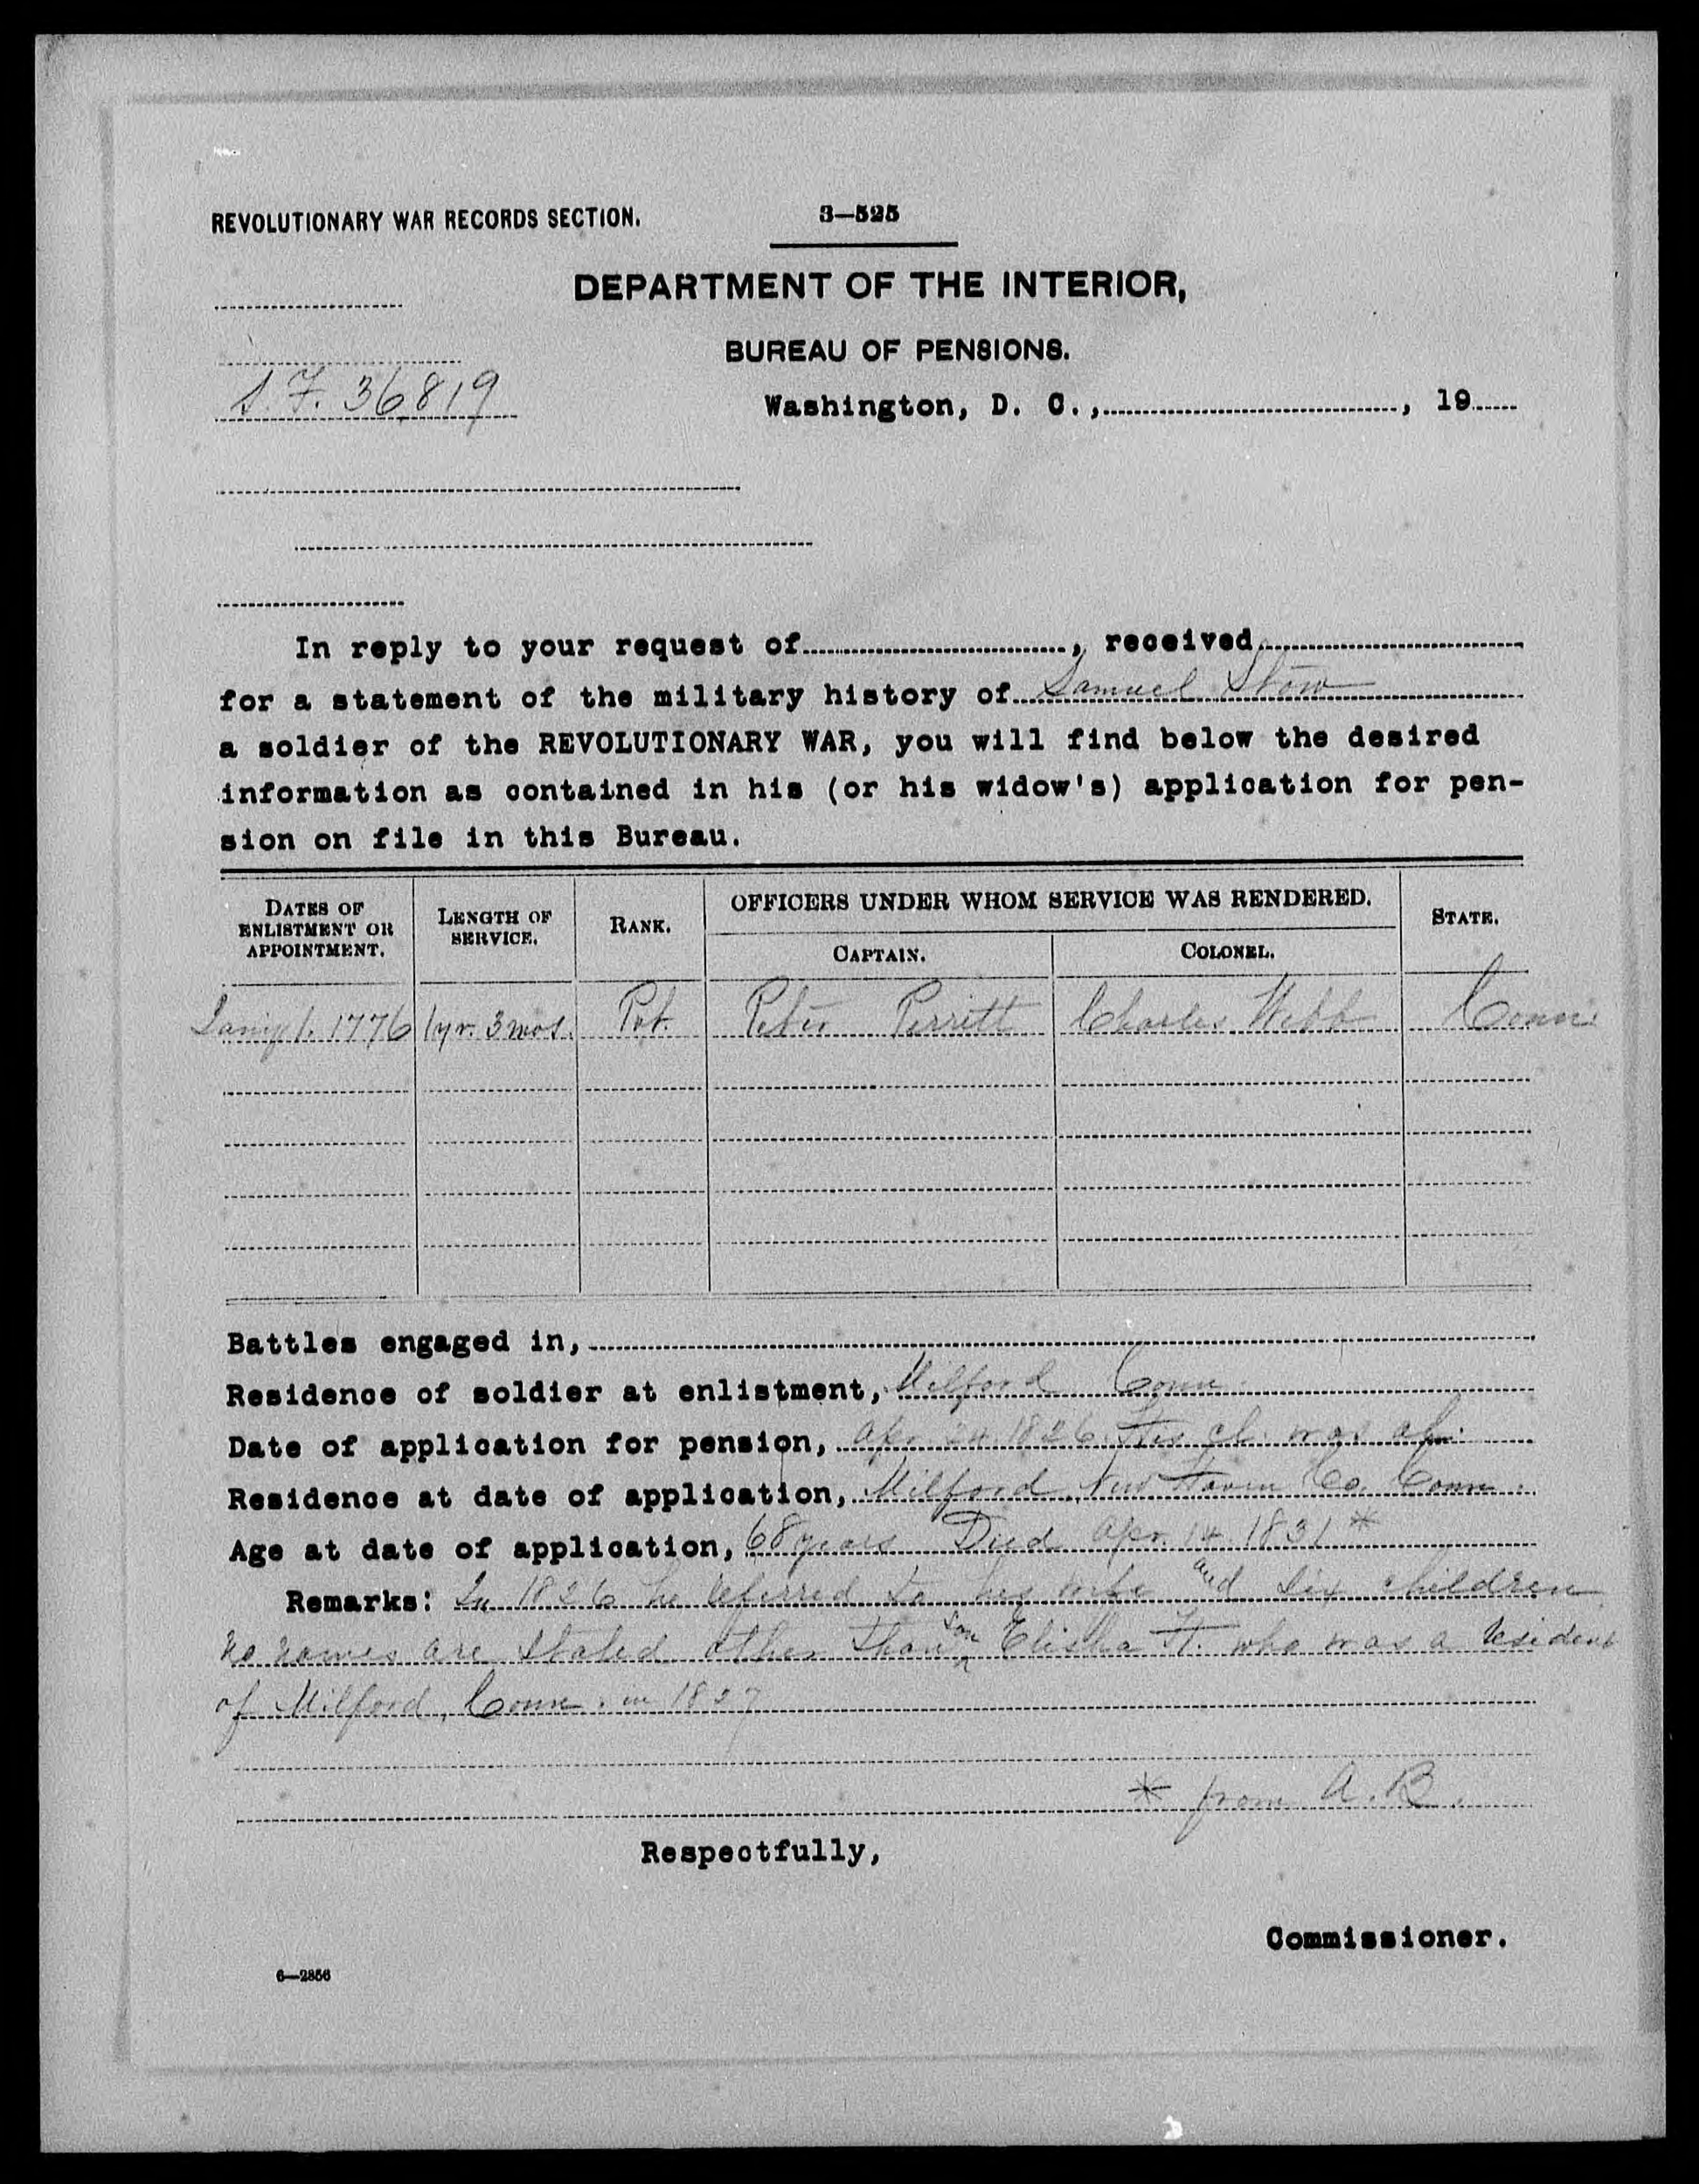REVOLUTIONARY WAR RECORDS SECTION.
3 -- 525

DEPARTMENT OF THE INTERIOR
BUREAU OF PENSIONS.
Washington, D. C.

A.F. 36819

In reply to your request of______, received______, for a statement of the military history of Samuel Stow a soldier of the REVOLUTIONARY WAR, you will find below the desired information as contained in his (or his widow's) application for pension on file in this Bureau.
DATES OF ENLISTMENT OR APPOINTMENT.
Jany 1776
LENGTH OF SERVICE. - 1 yr 3 mos
RANK. Pvt.
OFFICERS UNDER WHOM SERVICE WAS RENDERED.
CAPTAIN. - Peter Perritt
COLONEL. - Charles Webb
STATE. - Conn.
Battles engaged in, [blank]
Residence of soldier at enlistment, Milford, Conn.
Date of application for pension, Apr. 24, 1826
Residence at date of application, Milford New Haven Co, Conn
Age at date of application, 68 yrs. Died Apr 8 1831*  [*from A.B.]
Remarks: In 1826 he referred to his wife and six children; no names are stated other than son, Elisha H. who was a resident of Milford Conn. in 1827
Respectfully,

Commissioner.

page: 9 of 42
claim: survivor's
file: S. 36,819, for Samuel Stow, Connecticut